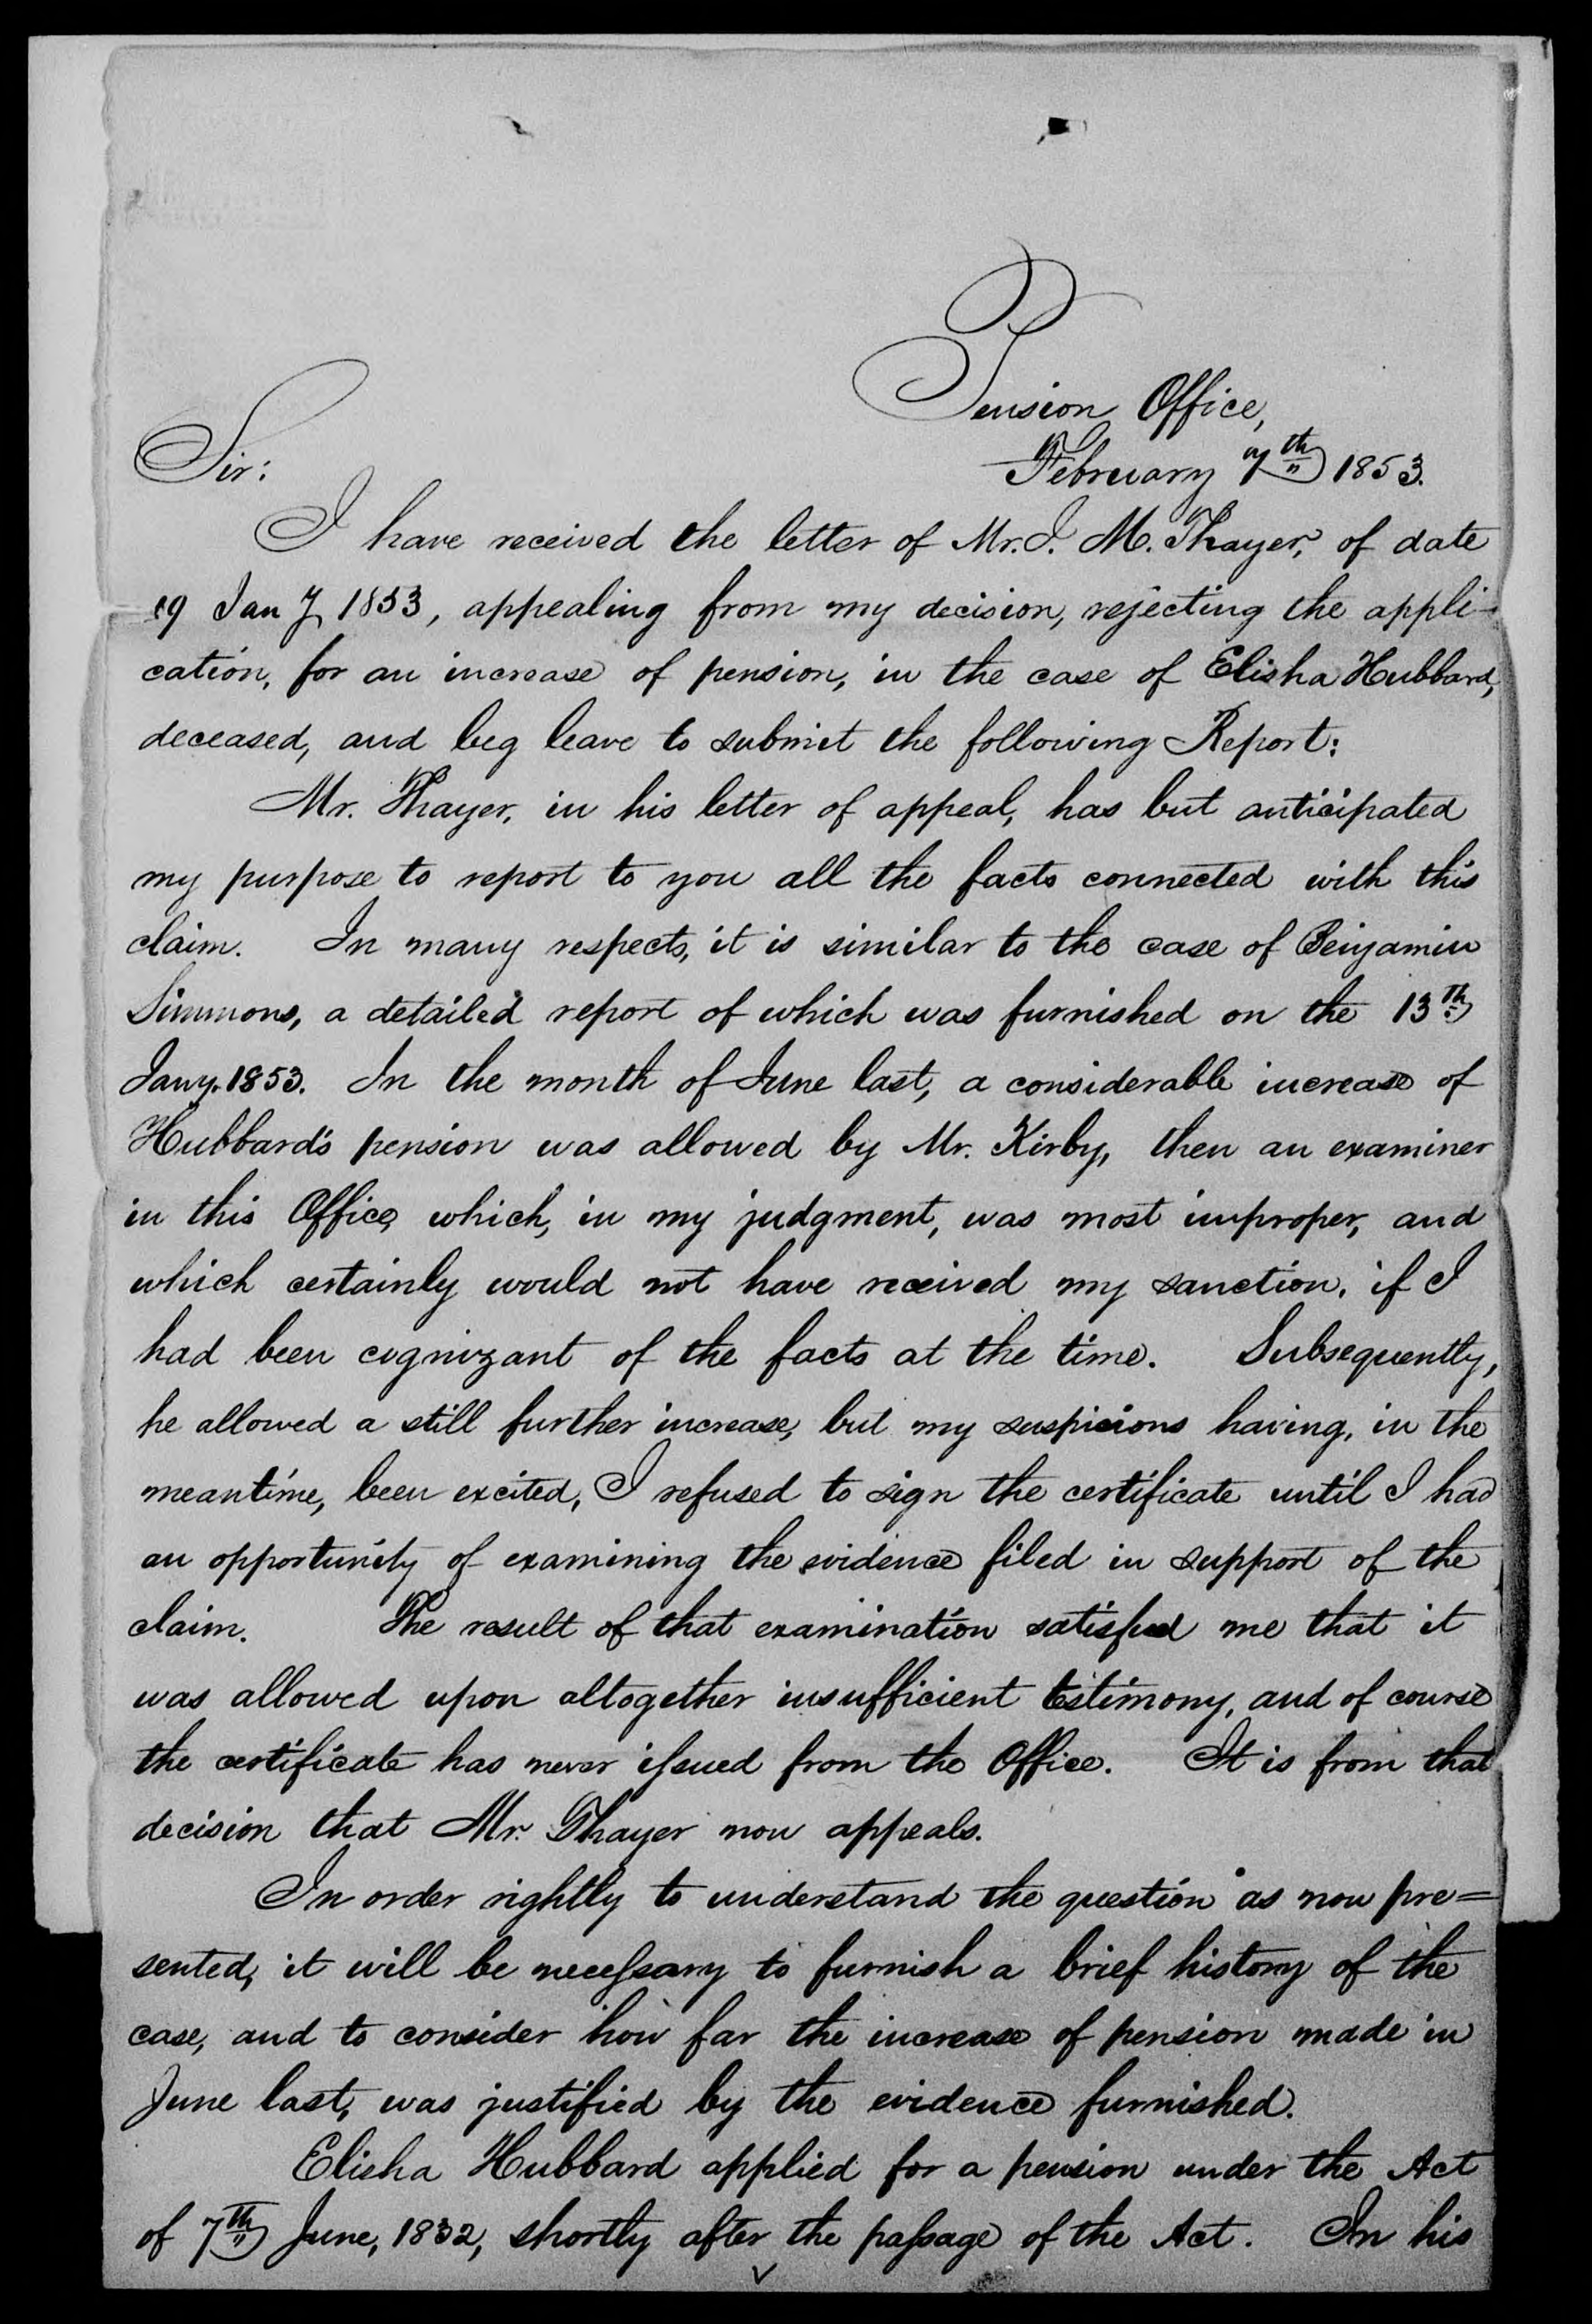Pension Office, 
February 7th 1853

Sir:
I have received the letter of Mr. J. M. Thayer, of date 19 Jany 1853, appealing from my decision, rejecting the application for an incresase of pension, in the caes of Elisha Hubbard, deceased, and beg leave to submit the following Report:

Mr. Thayer, in his letter of appeal, has but anticipated my purpose to report to you all the facts connected with this claim.  In many respects, it is similar to the case of Benjamin Simmons, a detailed report of which was furnished on the 13th Jany 1853.  In the month of June last, a considerable increase of Hubbard's pension was allowed by Mr. Kirby, then an examiner in this Office which, in my judgement, was most improper, and which certainly would not have received my sanction, if I been cognizant of the facts at the time.  Subsequently he allowed a still further increase, but my suspicions having in the meantime, been excited, I refused to sign the certificate until I had an opportunity of examining the evidence filed in support of the claim.  The result of that examination satisfied me that is was allowd upon altogether insufficient testimony, and of course the certificate has never issued from the office.  It is from that decision that Mr. Thayer now appeals.

In order rightly to understand the question as now presented, it will be necessary to furnish a brief history of he case, and to consider how far the increase of pension made in June last, was justified by the evidence furnished.  Elisha Hubbard applied for a pension under the Act of 7th June 8th shortly after the passage of the Act.  In his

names: Benjamin Simmons, J M Thayer, Elisha Hubbard, Kirby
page: 48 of 63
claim: survivor's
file: S. 18457, Elisha Hubbard, Conn. Continental